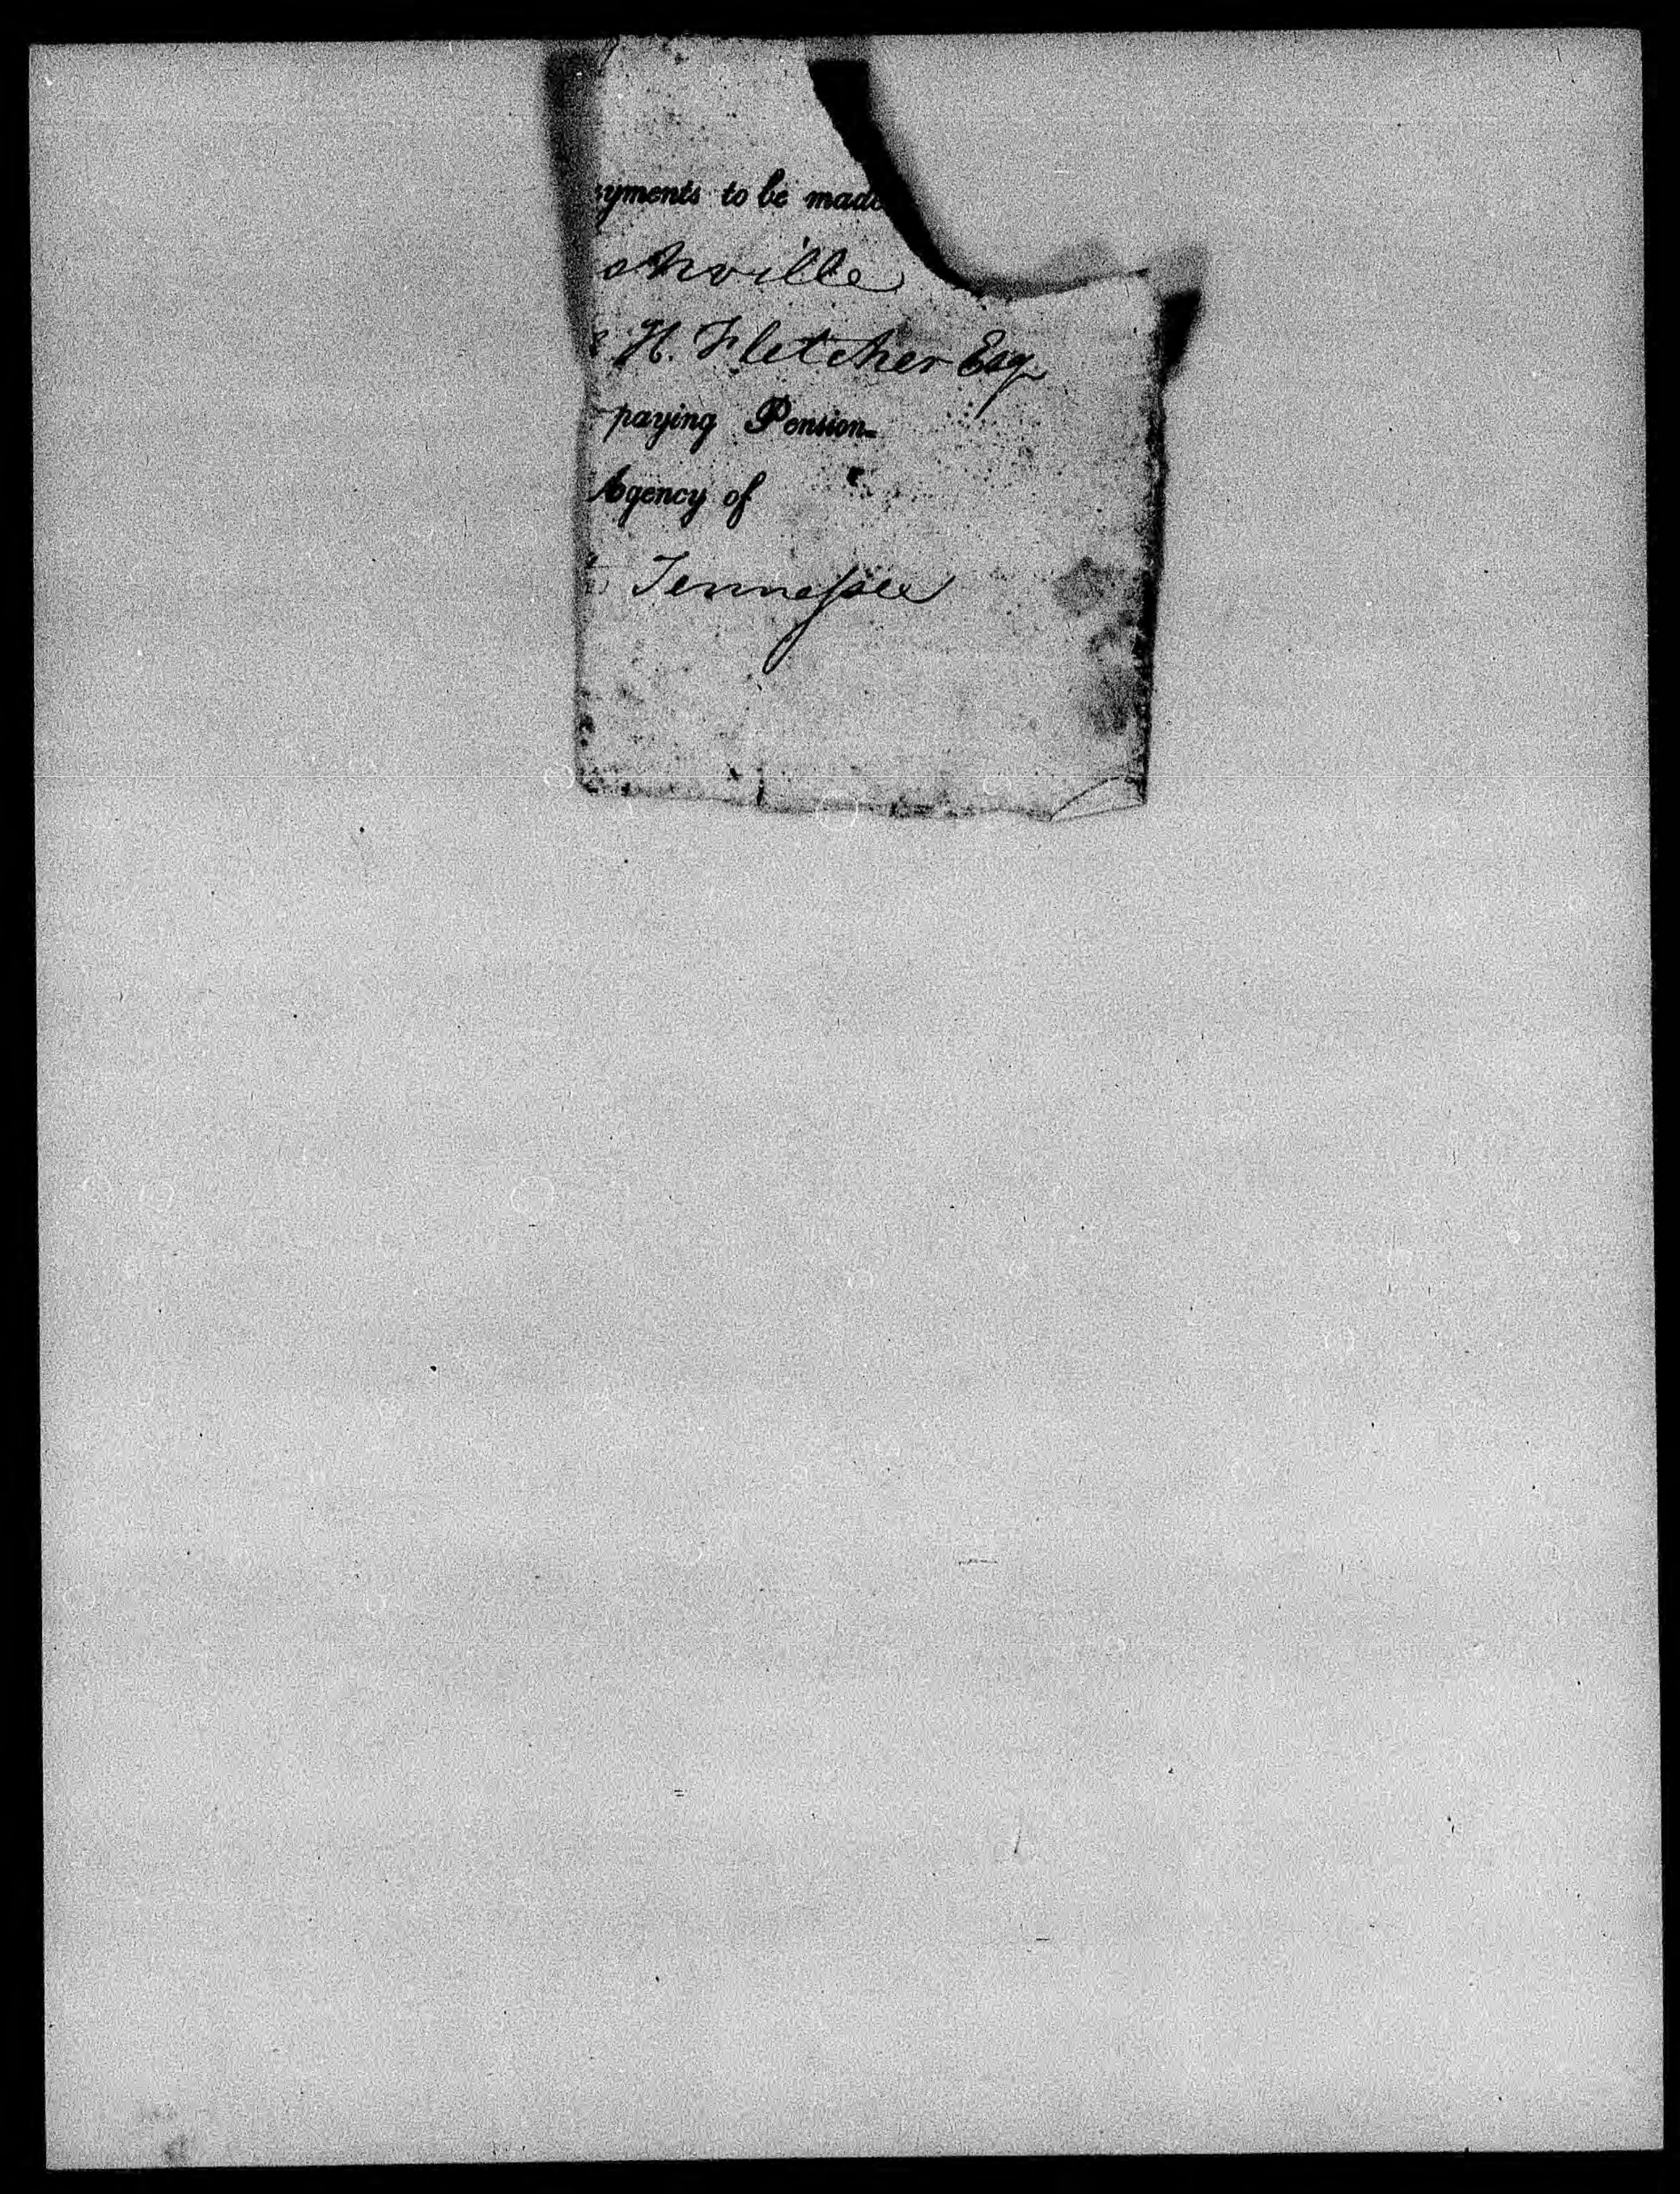[torn page]

    yments to be made
     onville
   H.Fletcher Esq
  paying Pension.
Agency of 
          Tennessee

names: T H Fletcher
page: 36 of 115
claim: widow's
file: W. 1446, for John Mc Clung, South Carolina